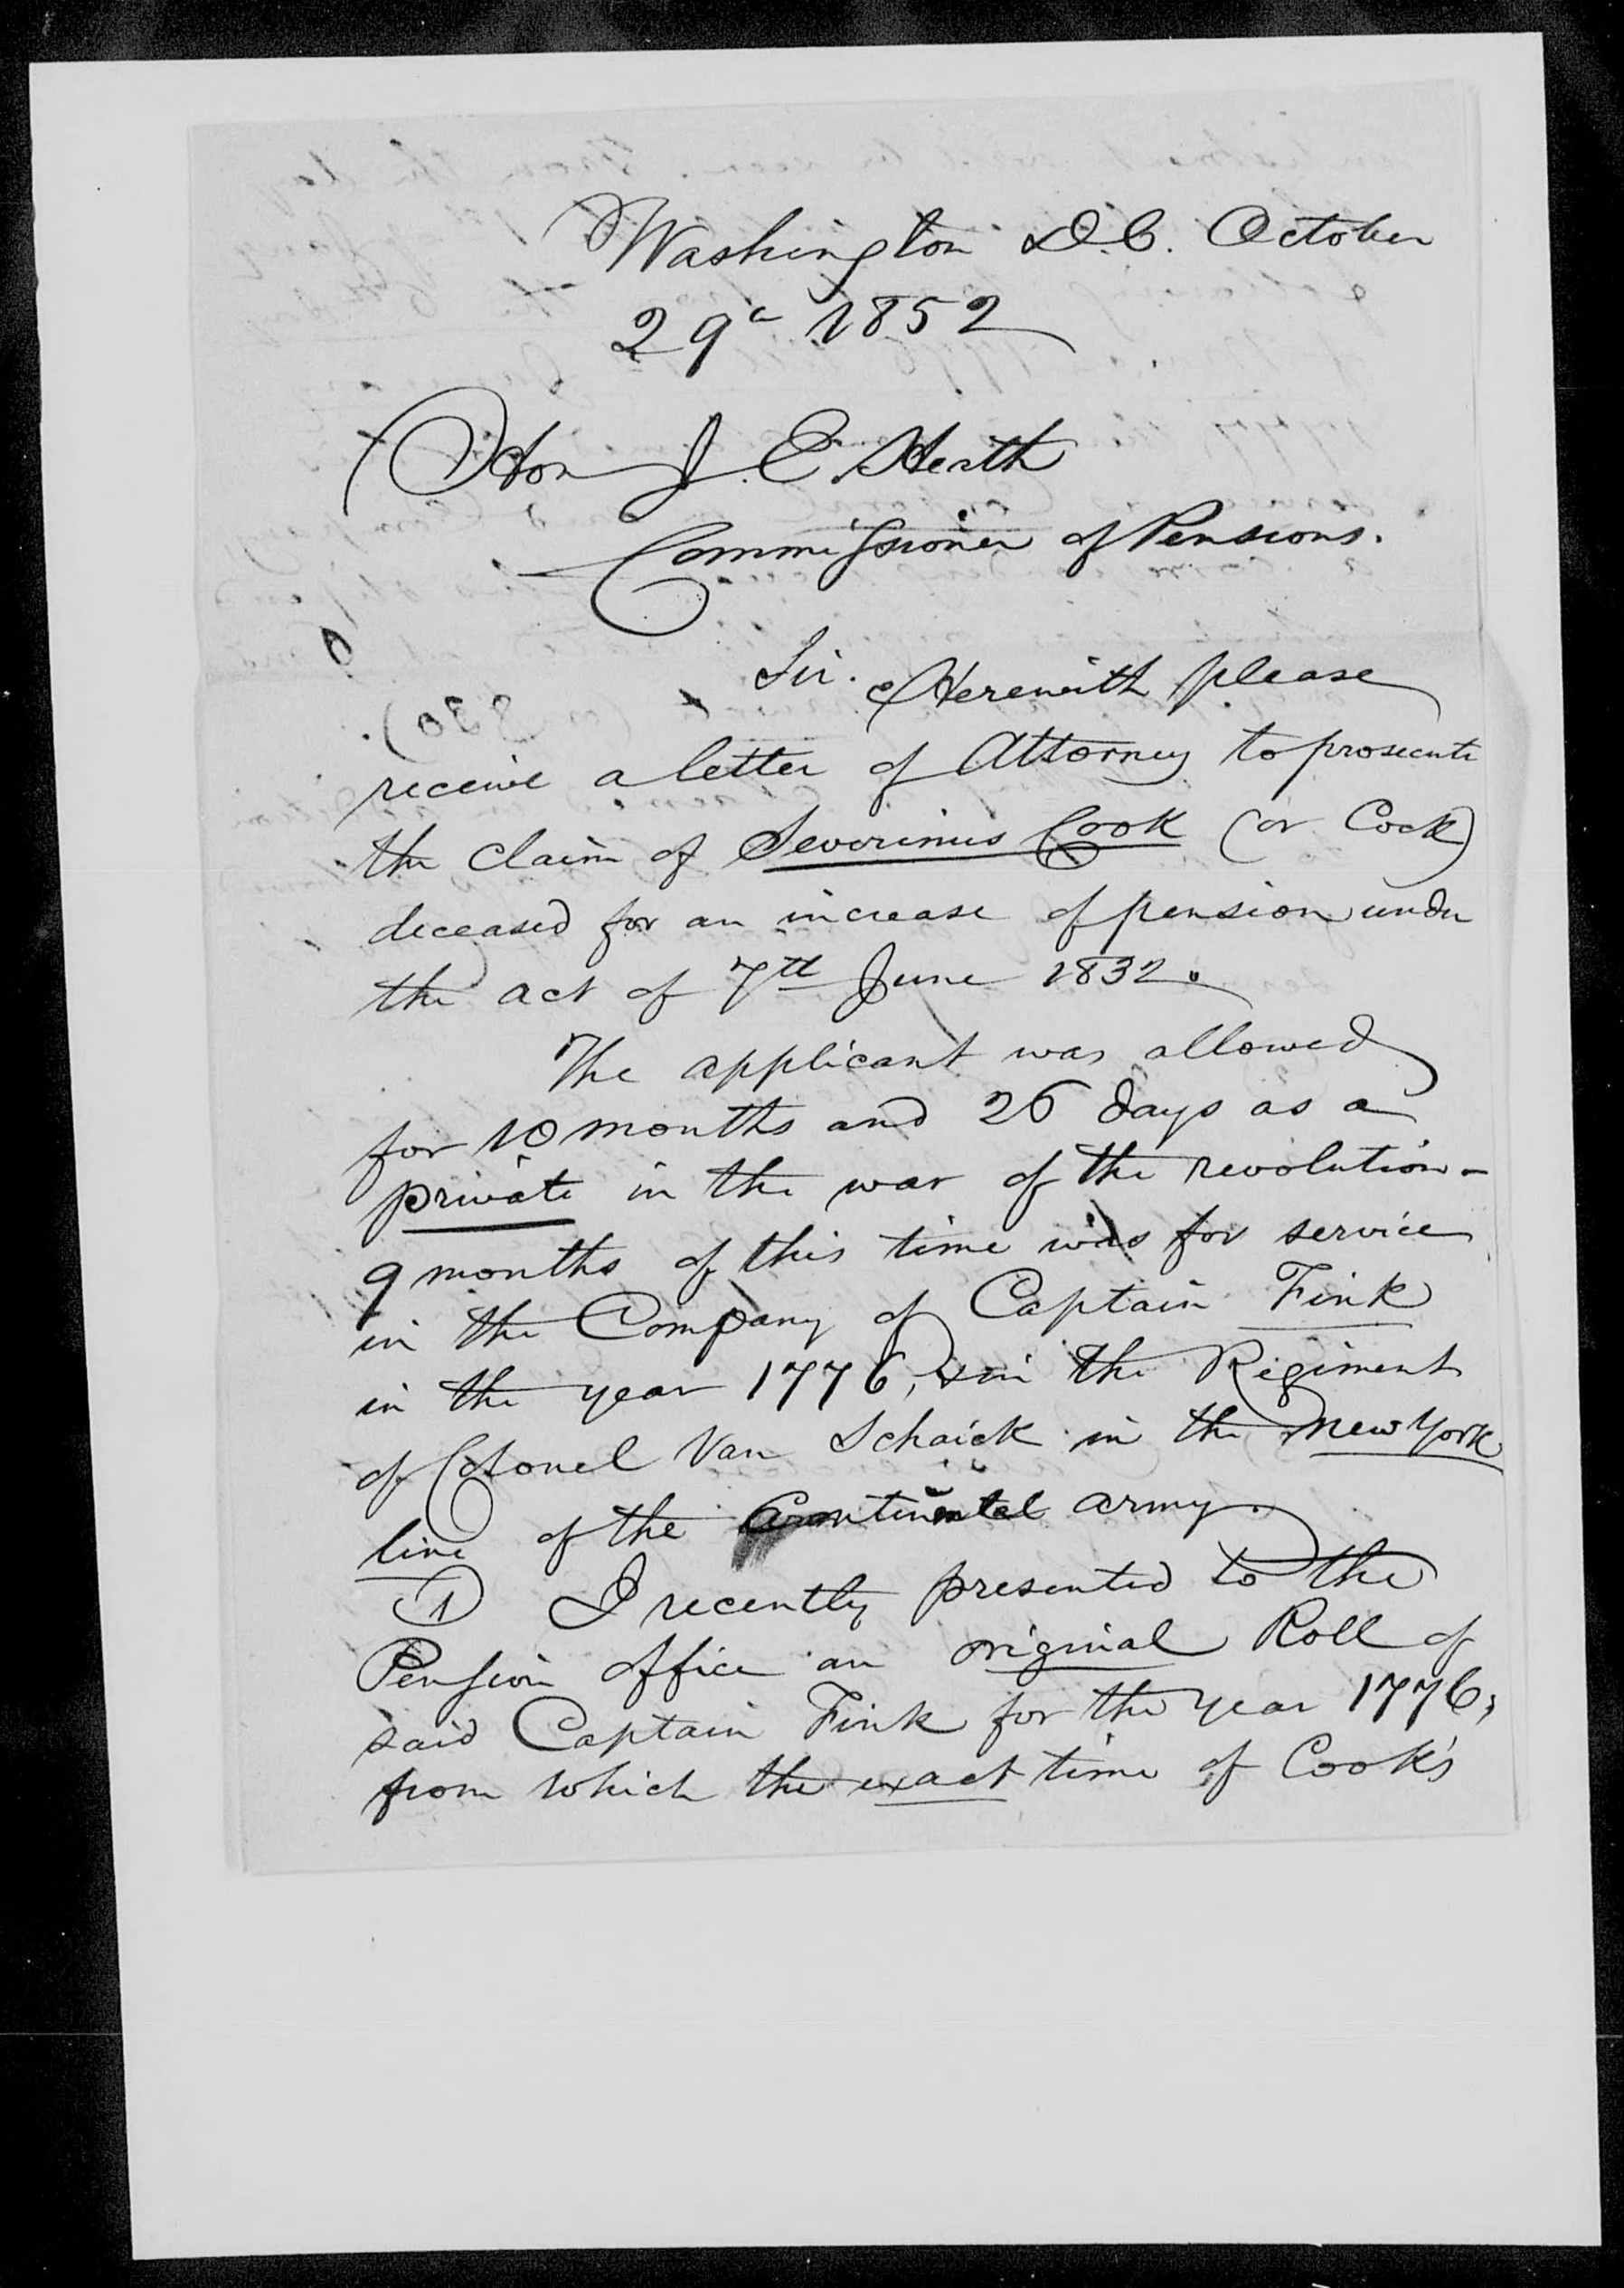Washington D.C. October
29th 1852

Hon J. E. Heath
Commissioner of Pensions

Sir:
Herewith please receive a letter of Attorney
to prosecute the claim of Severinus Cook (or Cock) deceased for an increase of pension under the act of 7th June 1832.

The applicant was allowed for 10 months and 26 days as a private in the war of the revolution - 9 months of this time was for service in the Company of Captain Fink in the year 1776, & in the Regiment of Colonel Van
Schaick in the New York line of the Continental Army.

1. I recently presented to the Pension office an original Roll of said Captain Fink for the year 1776, from which the exact time of Cook's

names: Cook, Severinus Cook, J E Heath, Fink, Severinus Cook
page: 30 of 51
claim: survivor's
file: S. 12563, Severinus Cook, New York